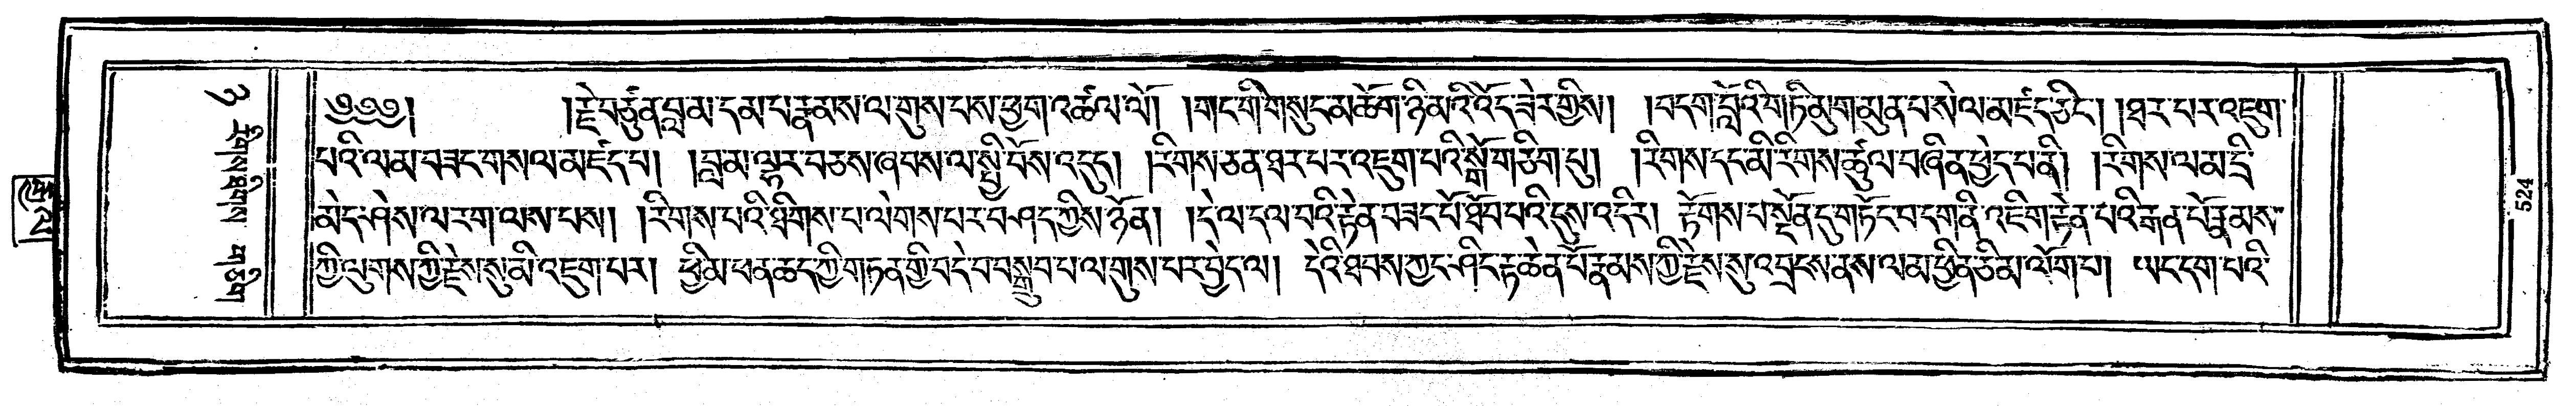༄༅༅། །རྗེ་བཙུན་བླ་མ་དམ་པ་རྣམས་ལ་གུས་པས་ཕྱག་འཚལ་ལོ། །གང་གི་གསུང་མཆོག་ཉི་མའི་འོད་ཟེར་གྱིས། །བདག་བློའི་གཏི་མུག་མུན་པ་སེལ་མཛད་ཅིང་། །ཐར་པར་འཇུག་
པའི་ལམ་བཟང་གསལ་མཛད་པ། །བླ་མ་ལྷར་བཅས་ཞབས་ལ་སྤྱི་བོས་འདུད། །རིགས་ཅན་ཐར་པར་འཇུག་པའི་སྒོ་གཅིག་པུ། །རིགས་དང་མི་རིགས་ཚུལ་བཞིན་ཕྱེད་པ་ནི། །རིགས་ལམ་དྲི་
མེད་ཤེས་ལ་རག་ལས་པས། །རིགས་པའི་ཐིགས་པ་ལེགས་པར་བཤད་ཀྱིས་ཉོན། །དེ་ལ་དལ་བའི་རྟེན་བཟང་པོ་ཐོབ་པའི་དུས་འདིར། རྟོགས་པ་སྔོན་དུ་གཏོང་བ་དག་ནི་འཇིག་རྟེན་པའི་རྒན་པོ་རྣམས་
ཀྱི་ལུགས་ཀྱི་རྗེས་སུ་མི་འཇུག་པར། ཕྱི་མ་ཕན་ཆད་ཀྱི་གཏན་གྱི་བདེ་བ་བསྒྲུབ་པ་ལ་གུས་པར་བྱེད་ལ། དེའི་ཐབས་ཀྱང་ཤིང་རྟ་ཆེན་པོ་རྣམས་ཀྱི་རྗེས་སུ་འབྲངས་ནས་ལམ་ཕྱིན་ཅི་མ་ལོག་པ། ཡང་དག་པའི་